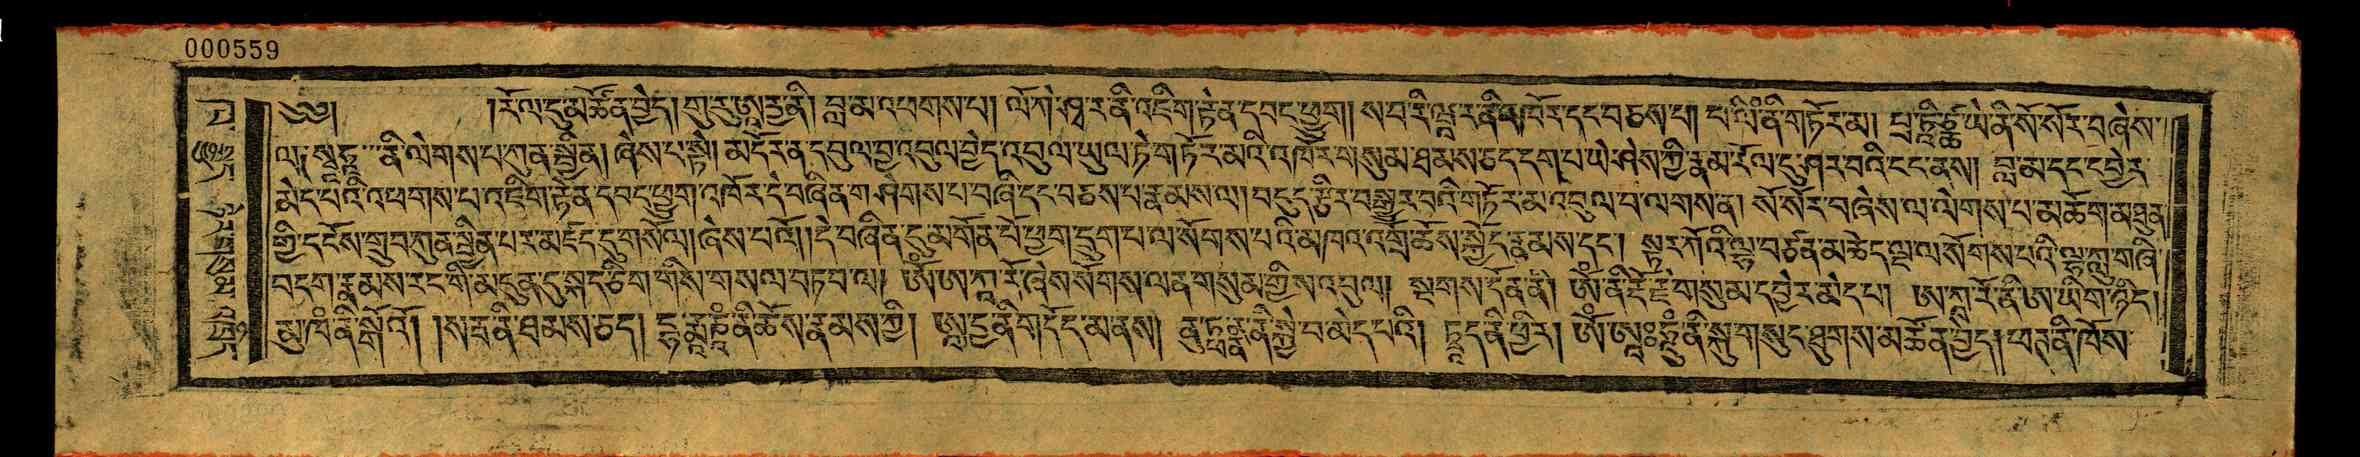༄༅། །རོལ་དུ་མཚོན་བྱེད། གུ་རུ་ཨཱརྱ་ནི། བླ་མ་འཕགས་པ། ལོ་ཀེ་ཤྭར་ནི་འཇིག་རྟེན་དབང་ཕྱུག །ས་པ་རི་ཝཱ་ར་ནི་འཁོར་དང་བཅས་པ། བ་ལིཾ་ནི་གཏོར་མ། པྲ་ཏཱི་ཙྪ་ཡེ་ནི་སོ་སོར་བཞེས་
ལ༑ སྭཱ་ཧཱ་ནི་ལེགས་པ་ཀུན་སྤྱིན། ཞེས་པ་སྟེ། མདོར་ན་དབུལ་བྱ་འབུལ་བྱེད་འབུལ་ཡུལ་ཏེ་གཏོར་མའི་འཁོར་གསུམ་ཐམས་ཅད་དག་པ་ཡེ་ཤེས་ཀྱི་རྣམ་རོལ་དུ་ཤར་བའི་ངང་ནས། བླ་མ་དང་དབྱེར་
མེད་པའི་འཕགས་པ་འཇིག་རྟེན་དབང་ཕྱུག་འཁོར་དེ་བཞིན་གཤེགས་པ་བཞི་དང་བཅས་པ་རྣམས་ལ། བདུད་རྩིར་བསྒྱུར་བའི་གཏོར་མ་འབུལ་བ་ལགས་ན། སོ་སོར་བཞེས་ལ་ལེགས་པ་མཆོག་མཐུན་
གྱི་དངོས་གྲུབ་ཀུན་སྦྱིན་པར་མཛད་དུ་གསོལ། ཞེས་པའོ། །དེ་བཞིན་དུ་མགོན་པོ་ཕྱག་དྲུག་པ་ལ་སོགས་པའི་མཁའ་འགྲོ་ཆོས་སྐྱོང་རྣམས་དང་། སྟར་ཀོའི་ལྷ་བཙན་མཆེད་ལྔ་ལ་སོགས་པའི་ལྷ་ཀླུ་གཞི་
བདག་རྣམས་རང་གི་མདུན་དུ་སྐད་ཅིག་གིས་གསལ་བཏབ་ལ། ཨོཾ་ཨ་ཀཱ་རོ་ཞེས་སོགས་ལན་གསུམ་གྱིས་འབུལ། སྔགས་དོན་ནི། ཨོཾ་ནི་རྡོ་རྗེ་གསུམ་དབྱེར་མེད་པ། ཨ་ཀཱ་རོ་ནི་ཨ་ཡིག་ཉིད་
མུ་ཁཾ་ནི་སྒོའོ། །སརྦ་ནི་ཐམས་ཅད། དྷརྨཱ་ཎཱཾ་ནི་ཆོས་རྣམས་ཀྱི། ཨཱ་དྱ་ནི་གདོང་མ་ནས། ནུ་ཏྤ་ནན་ནི་སྐྱེ་བ་མེད་པའི། ཏྭཱ་ད་ནི་ཕྱིར། ཨོཾ་ཨཱཿ ཧཱུཾ་ནི་སྐུ་གསུང་ཐུགས་མཚོན་བྱེད། ཕཊ་ནི་ཁོག་